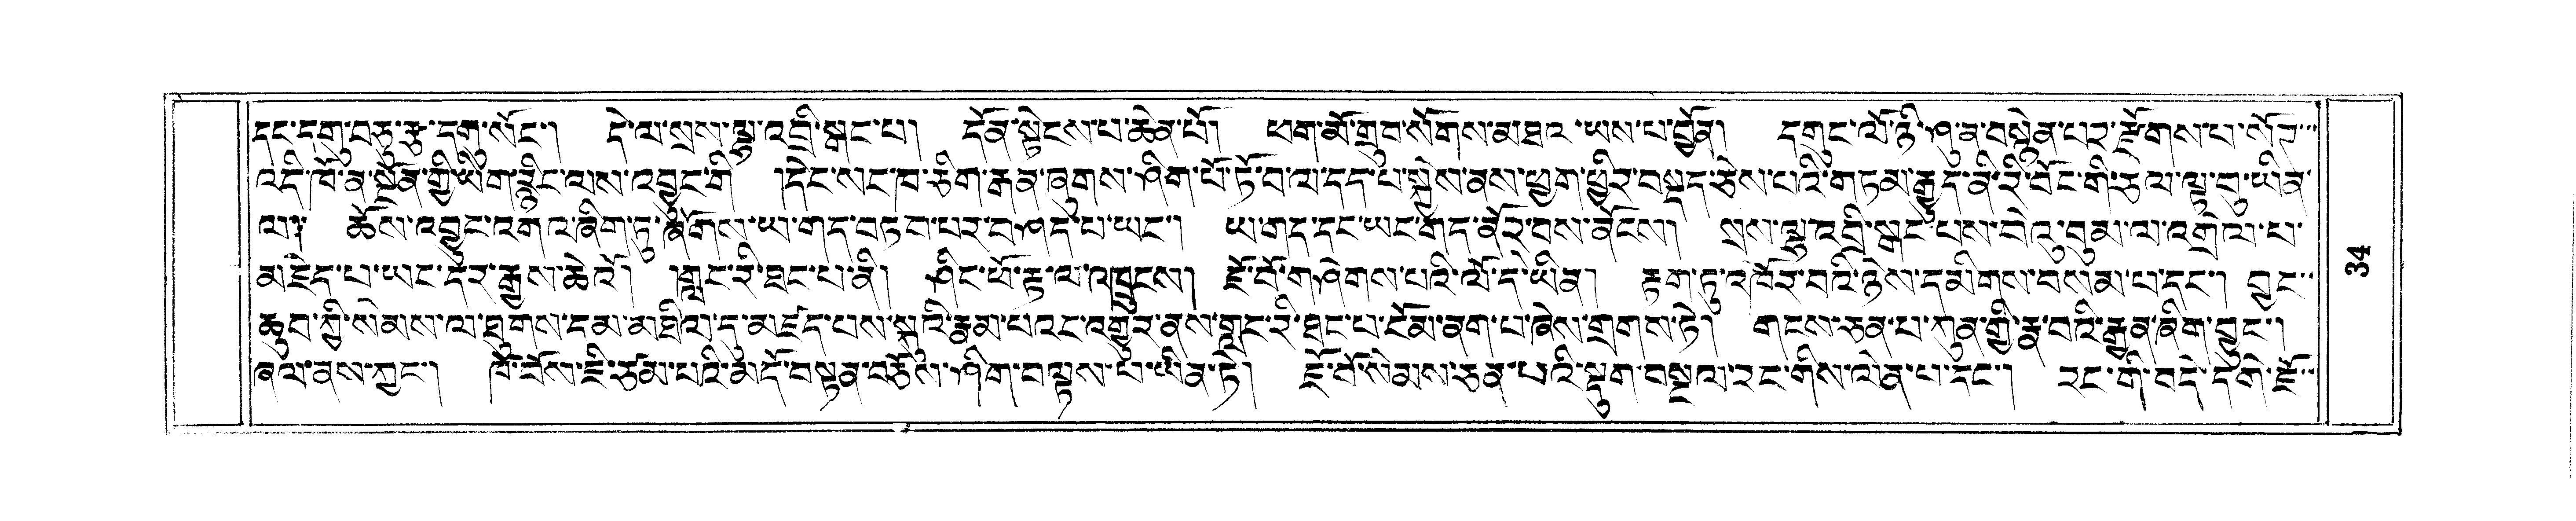དང་དགུ་བཅུ་རྩ་དགུ་སོང་། དེ་ལ་སྲས་ལྷ་འབྲི་སྒང་པ། དོན་སྟེངས་པ་ཆེན་པོ། ཕག་མོ་གྲུབ་སོགས་མཐའ་ཡས་པ་བྱོན། དགུང་ལོ་ཉི་ཤུ་ན་བསྙེན་པར་རྫོགས་པ་སོཌ་
འདི་ཁོ་ན་སྔོན་གྱི་ཡིག་རྙིང་ལས་འབྱུང་གི །དེང་སང་ཁ་ཅིག་རྒན་ཞུགས་ཤིག་པོ་ཏོ་བ་ལ་དད་པ་སྐྱེས་ནས་ཕྱག་ཕྱིར་བསྡད་ཅེས་པའི་གཏམ་རྒྱུད་ནི་རི་བོང་གི་ཅལ་ལྟ་བུ་ཡིན་
ལ༑ ཆོས་འབྱུང་འགའ་ཞིག་ཏུ་ཞོགས་ཡ་གད་བཏབ་པར་བཤད་པ་ཡང་། ཡ་གད་དང་ཡང་གད་ནོར་བས་ནོངས། སྲས་ལྷ་འབྲི་སྒང་པས་བེའུ་བུམ་ལ་འགྲེལ་པ་
མཇེད་པ་ཡང་དར་རྒྱས་ཆེའོ། །གླང་རི་ཐང་པ་ནི། ཤིང་ཕོ་རྟ་ལ་འཁྲུངས། ཇོ་བོ་གཤེགས་པའི་ལོ་དེ་ཡིན། རྟག་ཏུ་འཁོར་བའི་ཉེས་དམིགས་བསམ་པ་དང་། བྱང་
ཆུབ་ཀྱི་སེམས་ལ་ཐུགས་དམ་མཐིལ་དུ་མཛད་པས་སྐུའི་རྣམ་པའང་འགྱུར་ནས་གླང་རི་ཐང་པ་ངོམ་ནག་པ་ཞེས་གྲགས་ཏེ། གངས་ཅན་པ་ཀུན་གྱི་རྣ་བའི་རྒྱན་ཞིག་བྱུང་།
ཞལ་ནས་ཀྱང་། ཁོ་བོས་ཇི་ཙམ་པའི་མདོ་བསྟན་བཅོས་ཤིག་བལྟས་པ་ཡིན་ཏེ། ཇོ་བོ་སེམས་ཅན་པའི་སྡུག་བསྔལ་རང་གིས་ལེན་པ་དང་། རང་གི་བདེ་དགེ་ཇོ་